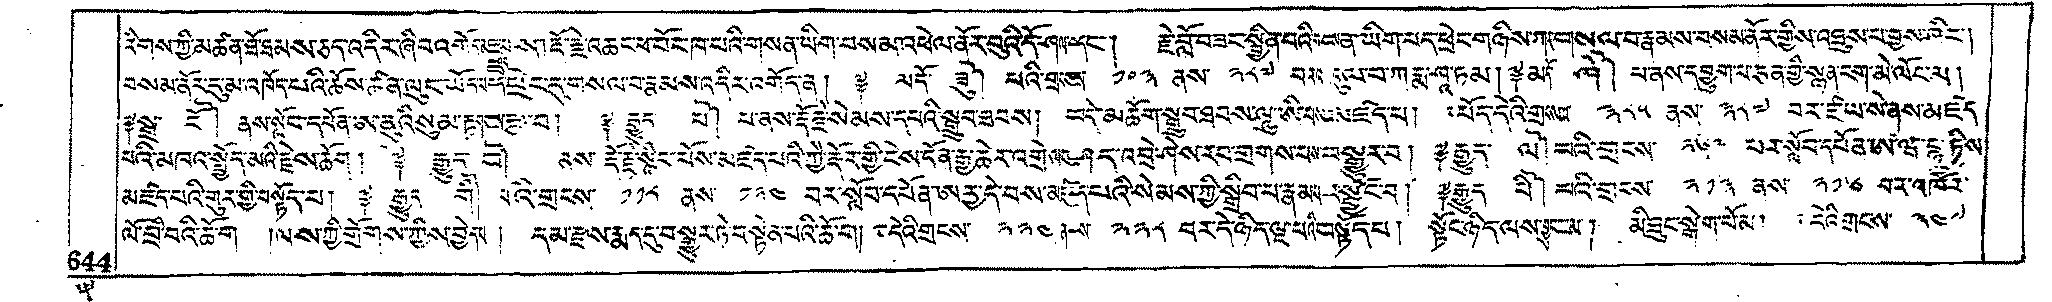རིགས་ཀྱི་མཚན་ཐོ་ཐམས་ཅད་འདིར་ཞིབ་འགོད་མཐུབ་པས། རྡོ་རྗེ་འཆང་ཕ་བོང་ཁ་པའི་གསན་ཡིག་བསམ་འཕེལ་ནོར་བུའི་དོ་ཤལ་དང་། རྗེ་བློ་བཟང་སྦྱིན་པའི་གནས་ཡིག་པད་ཕྲེང་གཉིས་ཀར་གསལ་བ་རྣམས་བསམ་ནོར་གྱིས་འཐུས་པ་བྱས་ཤིང་།
བསམ་ནོར་དུ་མ་འཁོད་པའི་ཆོས་ཚན་ལུང་ཡོད་པད་ཕྲེང་དུ་གསལ་བ་རྣམས་འདིར་འགོད་ན། འ་མདོ་ཟུ༼་པའི་གྲངས ༡༠༣་ནས ༢༨༧་བར་འདུལ་བ་ཀརྨ་ཤཱ་ཏམ། འ་མདོ་ཤེ༽ པ་ནས་དབྱུག་པ་ཅན་གྱི་སྙན་ངག་མེ་ལོང་མ།
འ་སྒྲ་ངོ༼་ནས་སློབ་དཔོན་ཨ་ནུའི་སུམ་རྟགས་རྩ་བ། འ་རྒྱུད་པ༽ པ་ནས་རྡོ་རྗེ་སེམས་དཔའི་སྒྲུབ་ཐབས། བདེ་མཆོག་སྒྲུབ་ཐབས་ལཱུ་ཨི་པས་མཛད་པ། ༧པོད་དེའི་གྲངས ༣༨༥་ནས ༣༨༧་བར་ཡ་སེ་ནས་མཛད་
པའི་མཁའ་སྤྱོད་མའི་རྗེས་ཆོག། འ་རྒྱུད་བ༼་ནས་རྡོ་རྗེ་སྙིང་པོས་མཛད་པའི་ཀྱཻ་རྡོར་གྱི་ངེས་དོན་རྒྱ་ཆེར་འགྲེལ་བཤད་འབྲེ་ཤེས་རབ་གྲགས་པས་བསྒྱུར་བ། འ་རྒྱུད་ལ༽ པའི་གྲངས ༢༦༩་པར་སློབ་དཔོན་ཨ་ལྦ་དྷུ་ཏིས་
མཛད་པའི་གུར་གྱི་བསྟོད་པ། འ་རྒྱུད་གི༼་པའི་གྲངས ༡༡༨་ནས ༡༢༤་བར་སློབ་དཔོན་ཨརྱ་དེ་བས་མཛད་པའི་སེམས་ཀྱི་སྒྲིབ་པ་རྣམ་པར་སྦྱོང་བ། འ་རྒྱུད་པི༽ པའི་གྲངས ༢༡༣་ནས ༢༡༦་བར་འཁོར་
ལོ་བྲི་བའི་ཆོ་ག །ལས་ཀྱི་གྲོགས་ཀྱིས་བྱེད་པ། དམ་རྫས་རྨད་དུ་བསྒྱུར་ཏེ་བསྟེན་པའི་ཆོ་ག། ༧དེའི་གྲངས ༢༢༤་ནས ༢༢༨་བར་དེ་ཉིད་ལྔ་པའི་བསྟོད་པ། སྟོང་ཉིད་ལས་བྱུང་མ། མི་ཐུང་སྒེག་པོ་མ། ༧དེའི་གྲངས ༣༤༧